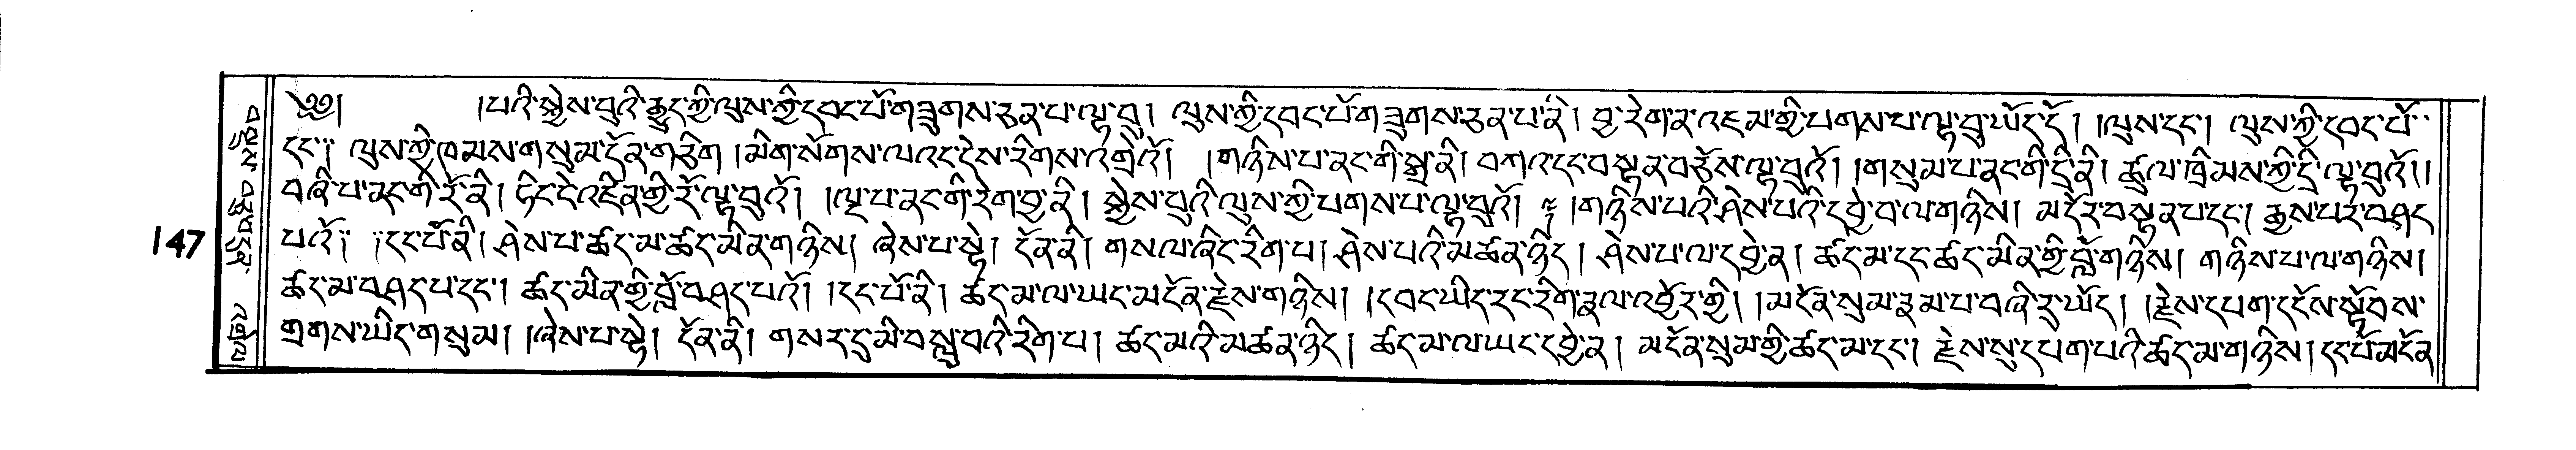༄༅། །པའི་སྐྱེས་བུའི་རྒྱུད་ཀྱི་ལུས་ཀྱི་དབང་པོ་གཟུགས་ཅན་པ་ལྟ་བུ། ལུས་ཀྱི་དབང་པོ་གཟུགས་ཅན་པ་ནི། བྱ་རེག་ན་འཇམ་གྱི་པགས་པ་ལྟ་བུ་ཡོད་དོ། །ལུས་དང་། ལུས་ཀྱི་དབང་པོ་
དང༑ ལུས་ཀྱི་ཁམས་གསུམ་དོན་གཅིག །མིག་སོགས་ལའང་དེས་རིགས་འགྲེའོ། །གཉིས་པ་ནང་གི་སྒྲ་ནི། བཀའ་དང་བསྟན་བཅོས་ལྟ་བུའོ། །གསུམ་པ་ནང་གི་དྲི་ནི། ཚུལ་ཁྲིམས་ཀྱི་དྲི་ལྟ་བུའོ། །
བཞི་པ་ནང་གི་རོ་ནི། ཏིང་ངེ་འཛིན་གྱི་རོ་ལྟ་བུའོ། །ལྔ་པ་ནང་གི་རེག་བྱ་ནི། སྐྱེས་བུའི་ལུས་ཀྱི་པགས་པ་ལྟ་བུའོ། ༈ །གཉིས་པའི་ཤེས་པའི་དབྱེ་བ་ལ་གཉིས། མདོར་བསྟན་པ་དང་། རྒྱས་པར་བཤད་
པའོ༑ ༑དང་པོ་ནི། ཤེས་པ་ཚད་མ་ཚད་མིན་གཉིས། ཞེས་པ་སྟེ། དོན་ནི། གསལ་ཞིང་རིག་པ། ཤེས་པའི་མཚན་ཉིད། ཤེས་པ་ལ་དབྱེ་ན། ཚད་མ་དང་ཚད་མིན་གྱི་བློ་གཉིས། གཉིས་པ་ལ་གཉིས།
ཚད་མ་བཤད་པ་དང་། ཚད་མིན་གྱི་བློ་བཤད་པའོ། །དང་པོ་ནི། ཚད་མ་ལ་ཡང་མངོན་རྗེས་གཉིས། །དབང་ཡིད་རང་རིག་རྣལ་འབྱོར་གྱི། །མངོན་སུམ་རྣམ་པ་བཞི་རུ་ཡོད། །རྗེས་དཔག་དངོས་སྟོབས་
གྲགས་ཡིད་གསུམ། །ཞེས་པ་སྟེ། དོན་ནི། གསར་དུ་མི་བསླུ་བའི་རིག་པ། ཚད་མའི་མཚན་ཉིད། ཚད་མ་ལ་ཡང་དབྱེ་ན། མངོན་སུམ་གྱི་ཚད་མ་དང་། རྗེས་སུ་དཔག་པའི་ཚད་མ་གཉིས། དང་པོ་མངོན་